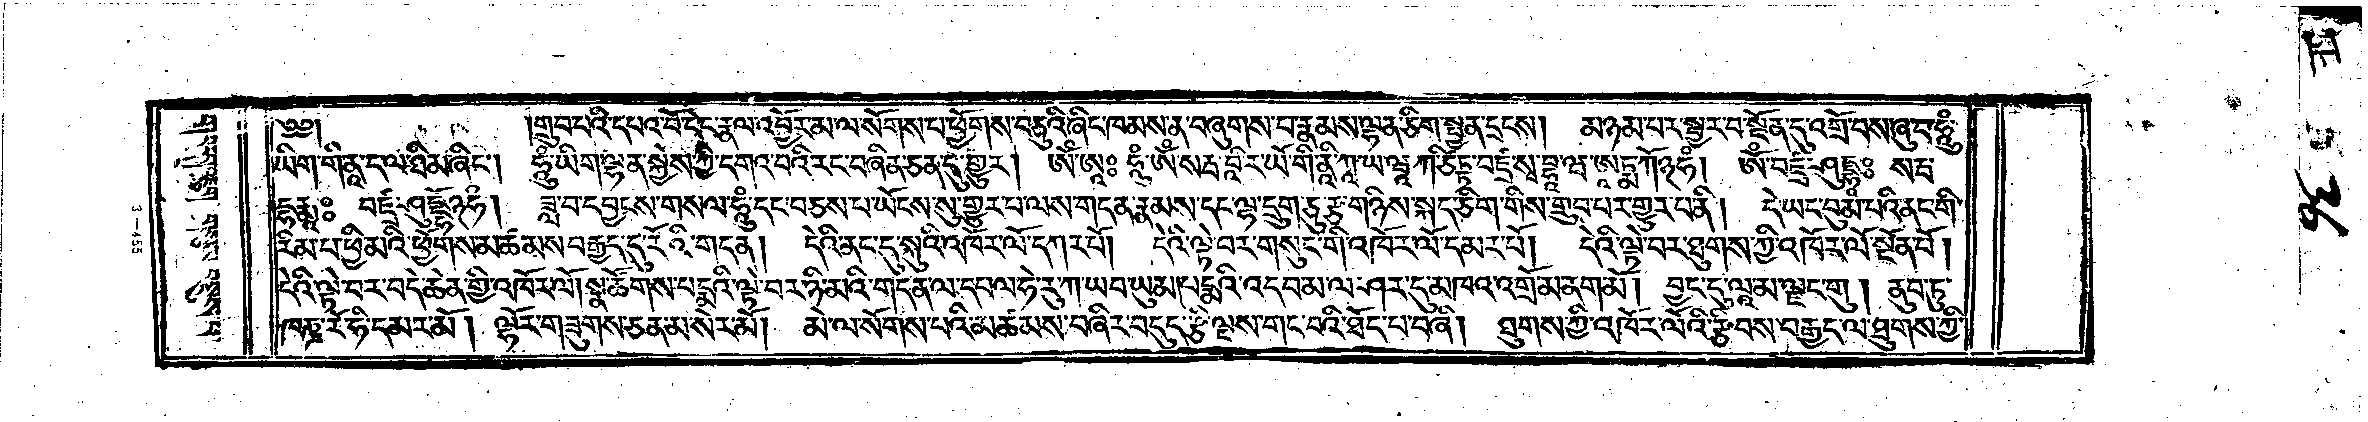༄༅། །གྲུབ་པའི་དཔའ་བོ་དེང་རྣལ་འབྱོར་མ་ལ་སོགས་པ་ཕྱོགས་བཅུའི་ཞིང་ཁམས་ན་བཞུགས་པ་རྣམས་ལྷན་ཅིག་སྤྱན་དྲངས། མཉམ་པར་སྦྱར་བ་སྔོན་དུ་འགྲོ་བས་ཞུ་བ་ཧཱུཾ་
ཡིག་གི་ནཱ་ད་ལ་ཐིམ་ཞིང་། ཧཱུཾ་ཡིག་ལྷན་སྐྱེས་ཀྱི་དགའ་བའི་རང་བཞིན་ཅན་དུ་གྱུར། ཨོཾ་ཨཱཿཧཱུཾ་ཨོཾ་སརྦ་བཱི་ར་ཡོ་གི་ནཱི་ཀཱ་ཡ་ཝཱ་ཀ་ཙིཏྟ་བཛྲ་སྭ་བྷཱ་ཝ་ཨཱཏྨ་ཀོཉཧཾ། ཨོཾ་བཛྲ་ཤུདྡྷཿསརྦ་
དྷརྨཱཿབཛྲ་ཤུདྡྷོཉྷཾ། ཟླ་བ་དབྱངས་གསལ་ཧཱུཾ་དང་བཅས་པ་ཡོངས་སུ་གྱུར་པ་ལས་གདན་རྣམས་དང་ལྷ་དྲུག་ཅུ་རྩ་གཉིས་སྐད་ཅིག་གིས་གྲུབ་པར་གྱུར་པ་ནི། དེ་ཡང་བུམ་པའི་ནང་གི་
རིམ་པ་ཕྱི་མའི་ཕྱོགས་མཚམས་བརྒྱད་དུ་རོའི་གདན། དེའི་ནང་དུ་སྐུའི་འཁོར་ལོ་དཀར་པོ། དེའི་ལྟེ་བར་གསུང་གི་འཁོར་ལོ་དམར་པོ། དེའི་ལྟེ་བར་ཐུགས་ཀྱི་འཁོར་ལོ་སྔོན་པོ།
དེའི་ལྟེ་བར་བདེ་ཆེན་གྱི་འཁོར་ལོ། སྣ་ཚོགས་པདམའི་ལྟེ་བར་ཉི་མའི་གདན་ལ་དཔལ་ཧེ་རུ་ཀ་ཡབ་ཡུམ། པདམའི་འདབ་མ་ལ་ཤར་དུ་མཁའ་འགྲོ་མ་ནག་མོ། བྱང་དུ་ལཱ་མ་ལྗང་གུ། ནུབ་ཏུ་
ཁཎྜ་རོ་ཧི་དམར་མོ། ལྷོར་གཟུགས་ཅན་མ་སེར་མོ། མེ་ལ་སོགས་པའི་མཚམས་བཞིར་བདུད་རྩི་ལྔས་གང་བའི་ཐོད་པ་བཞི། ཐུགས་ཀྱི་འཁོར་ལོའི་རྩིབས་བརྒྱད་ལ་ཐུགས་ཀྱི་